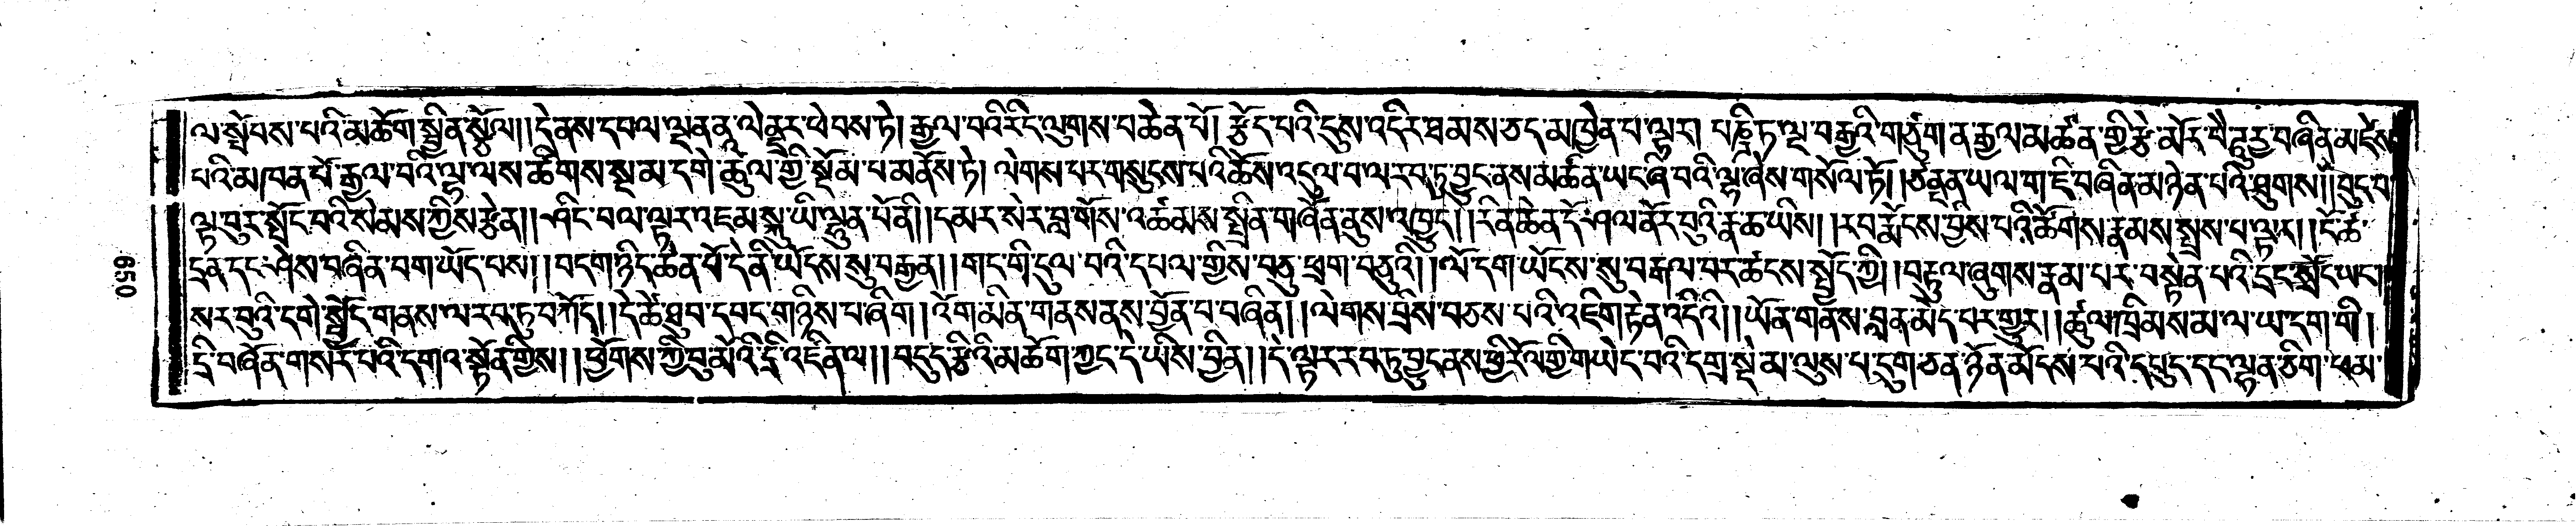ལ་སྤོབས་པའི་མཆོག་སྦྱིན་སྩོལ། །དེ་ནས་དཔལ་ལྡན་ནཱ་ལེནྡྲར་ཕེབས་ཏེ། རྒྱལ་བའི་རིང་ལུགས་པ་ཆེན་པོ། རྩོད་པའི་དུས་འདིར་ཐམས་ཅད་མཁྱེན་པ་ལྟར། པཎྜི་ཏ་ལྔ་བརྒྱའི་གཙུག་ན་རྒྱལ་མཚན་གྱི་རྩེ་མོར་བཻཌཱུརྱ་བཞིན་མཛེས་
པའི་མཁན་པོ་རྒྱལ་བའི་ལྷ་ལས་ཚིགས་སྔ་མ་དགེ་ཚུལ་གྱི་སྡོམ་པ་མནོས་ཏེ། ལེགས་པར་གསུངས་པའི་ཆོས་འདུལ་བ་ལ་རབ་ཏུ་བྱུང་ནས་མཚན་ཡང་ཞི་བའི་ལྷ་ཞེས་གསོལ་ཏོ། །ཙནྡན་ཡལ་ག་ཇི་བཞིན་མཉེན་པའི་ཐུགས། །བུང་པ་
ལྟ་བུར་སྤོང་བའི་སེམས་ཀྱིས་རྩེན། །ཤིང་བལ་ལྟར་འཇམ་སྐུ་ཡི་ལྷུན་པོ་ནི། །དམར་སེར་བླ་གོས་མཚམས་སྤྲིན་གཞོན་ནུས་འཁྱུད། །རིན་ཆེན་དོ་ཤལ་ནོར་བུའི་རྣ་ཆ་ཡིས། །རབ་རྨོངས་བྱིས་པའི་ཚོགས་རྣམས་སྤྲས་པ་ལྟར། །ངོ་ཚ་
དྲན་དང་ཤེས་བཞིན་བག་ཡོད་པས། །བདག་ཉིད་ཆེན་པོ་དེ་ནི་ཡོངས་སུ་བརྒྱན། །གང་གི་དུལ་བའི་དཔལ་གྱིས་བཅུ་ཕྲག་བཅུའི། །ལོ་དག་ཡོངས་སུ་བརྒལ་བར་ཚངས་སྤྱོད་ཀྱི། །བརྟུལ་ཞུགས་རྣམ་པར་བསྟེན་པའི་དྲང་སྲོང་ཡང་། །
སར་པའི་དགེ་སྦྱོང་གནས་ལ་རབ་ཏུ་བཀོད། །དེ་ཚེ་ཐུབ་དབང་གཉིས་པ་ཞིག །འོག་མིན་གནས་ནས་བྱོན་པ་བཞིན། །ལེགས་བྲིས་བཅས་པའི་འཇིག་རྟེན་འདིའི། །ཡོན་གནས་བླ་ན་མེད་པར་གྱུར། །ཚུལ་ཁྲིམས་མ་ལ་ཡ་དག་གི །
དྲི་བཞོན་གསར་པའི་དགའ་སྟོན་གྱིས། །ཕྱོགས་ཀྱི་བུ་མོའི་དྲི་འཛིན་ལ། །བདུད་རྩིའི་མཆོག་ཀྱང་དེ་ཡིས་བྱིན། །དེ་ལྟར་རབ་ཏུ་བྱུང་ནས་ཕྱི་རོལ་གྱི་གཡེང་བའི་དགྲ་སྡེ་མ་ལུས་བདུག་ཅན་ཉོན་མོངས་པའི་དཔུང་དང་ལྷན་ཅིག་ཕམ་